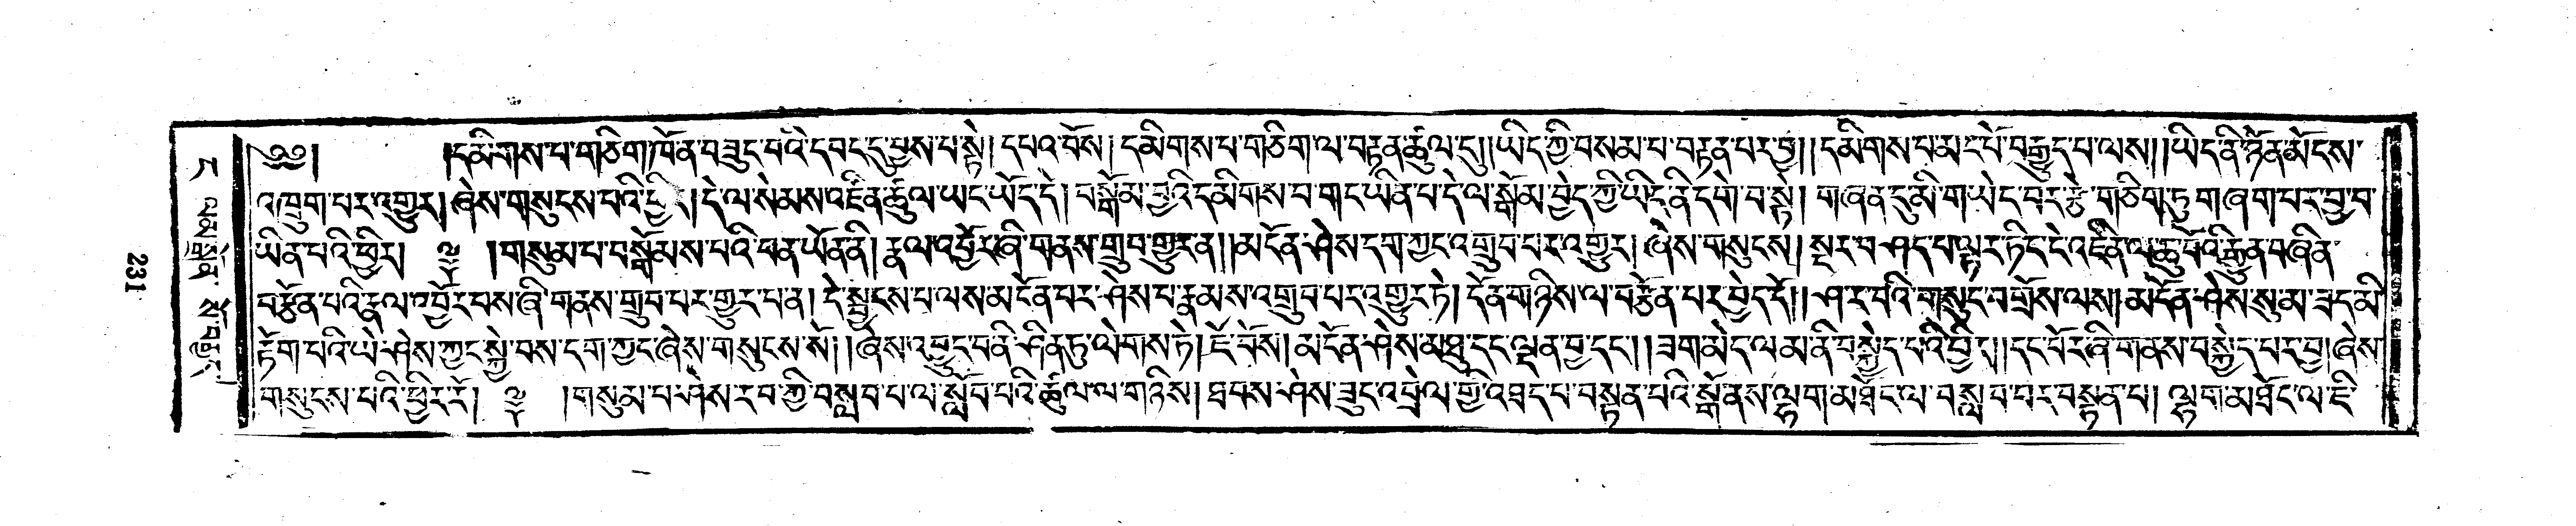༄༅། །དམིགས་པ་གཅིག་ཁོ་ན་བཟུང་བའི་དབང་དུ་བྱས་པ་སྟེ། དཔའ་བོས། དམིགས་པ་གཅིག་ལ་བརྟན་ཚུལ་དུ། །ཡིད་ཀྱི་བསམ་པ་བརྟན་པར་བྱ། །དམིགས་པ་མང་པོ་བརྒྱུད་པ་ལས། །ཡིད་ནི་ཉོན་མོངས་
འཁྲུག་པར་འགྱུར། ཞེས་གསུངས་པའི་ཕྱིར། དེ་ལ་སེམས་འཛིན་ཚུལ་ཡང་ཡོད་དེ། བསྒོམ་བྱའི་དམིགས་པ་གང་ཡིན་པ་དེ་ལ་སྒོམ་བྱེད་ཀྱི་ཡིད་ནི་དགེ་བ་སྟེ། གཞན་དུ་མི་གཡེང་བར་རྩེ་གཅིག་ཏུ་གཞག་པར་བྱ་བ་
ཡིན་པའི་ཕྱིར། ༈ །གསུམ་པ་བསྒོམས་པའི་ཕན་ཡོན་ནི། རྣལ་འབྱོར་ཞི་གནས་གྲུབ་གྱུར་ན། །མངོན་ཤེས་དག་ཀྱང་འགྲུབ་པར་འགྱུར། ཞེས་གསུངས། སྔར་བཤད་པ་ལྟར་ཏིང་ངེ་འཛིན་ལ་ཆུ་བོའི་རྒྱུན་བཞིན་
བརྩོན་པའི་རྣལ་འབྱོར་པས་ཞི་གནས་གྲུབ་པར་གྱུར་པ་ན། དེ་སྦྱངས་པ་ལས་མངོན་པར་ཤེས་པ་རྣམས་འགྲུབ་པར་འགྱུར་ཏེ། དོན་གཉིས་ལ་བརྩོན་པར་བྱེད་དོ། །ཤ་ར་བའི་གསུང་བགྲོས་ལས། མངོན་ཤེས་སུ་མ་ཟད་མི་
རྟོག་པའི་ཡེ་ཤེས་ཀྱང་སྐྱེ་བས་དག་ཀྱང་ཞེས་གསུངས་སོ། །ཞེས་འབྱུང་བ་ནི་ཤིན་ཏུ་ལེགས་ཏེ། ཇོ་བོས། མངོན་ཤེས་མཐུ་དང་ལྡན་བྱ་དང་། །ཟག་མེད་ལམ་ནི་བསྐྱེད་པའི་ཕྱིར། །དང་པོར་ཞི་གནས་བསྐྱེད་པར་བྱ། ཞེས་
གསུངས་པའི་ཕྱིར་རོ། ༈ །གསུམ་པ་ཤེས་རབ་ཀྱི་བསླབ་པ་ལ་སློབ་པའི་ཚུལ་ལ་གཉིས། ཐབས་ཤེས་ཟུང་འབྲེལ་གྱི་འཐད་པ་བསྟན་པའི་སྒོ་ནས་ལྷག་མཐོང་ལ་བསླབ་པར་བསྟན་པ། ལྷག་མཐོང་ལ་ཇི་